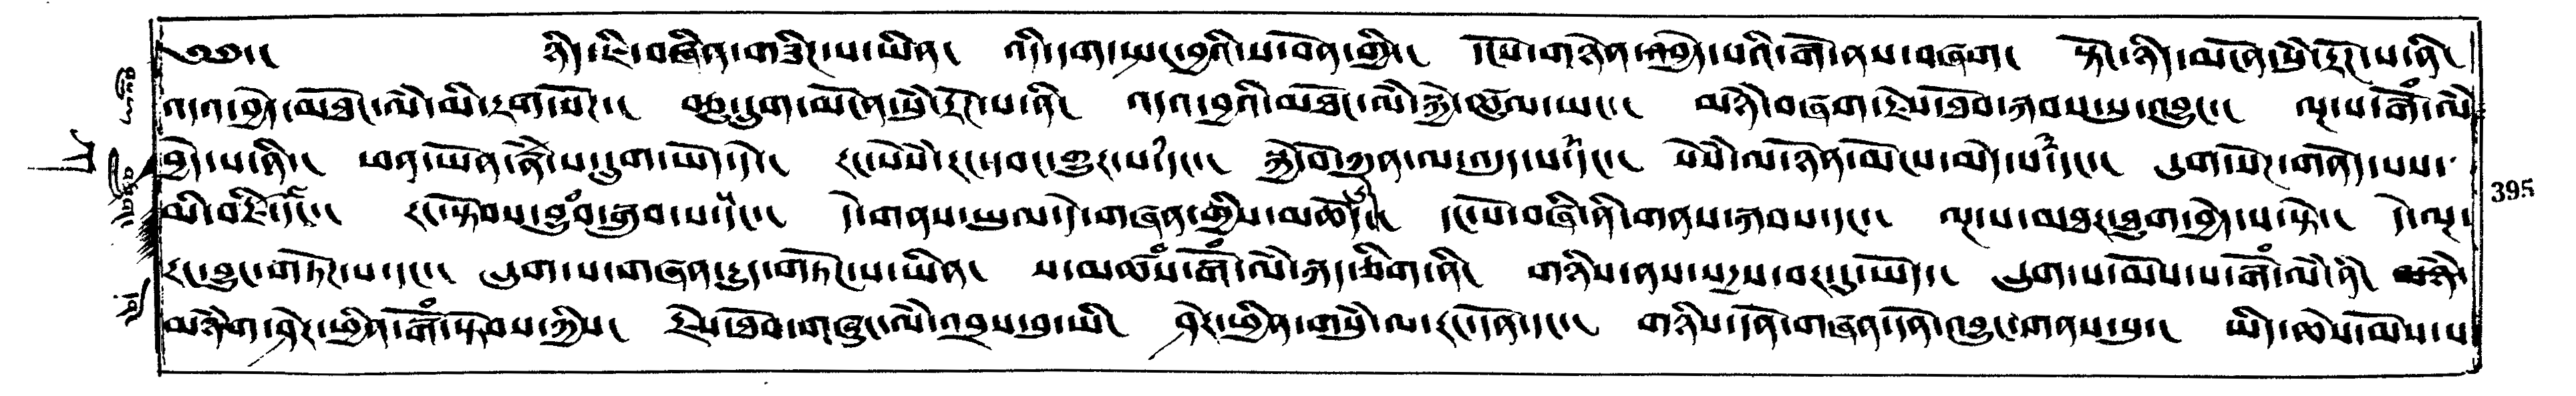ཉིད་ཇི་བཞིན་གཟིགས་པ་ཡིན། །འདི་དག་སྤང་བྱའི་ས་བོན་གྱི། །དངོས་གཉེན་འབྱེད་པའི་སྒོ་ནས་བཞག།སྟོང་ཉིད་མངོན་སུམ་རྟོགས་པ་ནི། །
འདའ་བྱེད་མཐོང་ལམ་མི་རྟག་སོགས། །བཅུ་དྲུག་མངོན་སུམ་རྟོགས་པ་ནི། །འདའ་བྱའི་མཐོང་ལམ་སྐྱེ་ཚུལ་ཡང་། །མཉམ་བཞག་རྗེས་ཐོབ་སྐབས་སུ་འབྱུང་། །ལྔ་པ་སྒོམ་ལམ་
བྱེད་པ་ནི། །ཕན་ཡོན་རྣམ་པ་དྲུག་ཡོད་དེ། །རང་སེམས་རང་དབང་གྱུར་པ་དང་། །སྐྱེ་བོ་ཀུན་ལ་འདུད་པ་དང་། །སེམས་ལ་ཉོན་མོངས་མེད་པ་དང་། །དུག་སོགས་གནོད་པས་
མི་བརྫི་དང་། །རང་སྟོབས་བྱང་ཆུབ་སྒྲུབ་པ་དང་། །དེ་གནས་ཡུལ་དེ་གཞན་གྱིས་མཆོད། །དང་པོ་བཞི་ནི་གནས་སྐབས་དང་། །ལྔ་པ་མཐར་ཐུག་བྱེད་པ་སྟེ། །དེ་ལྔ་
རང་བྱུང་གཏོགས་པ་དང་། །དྲུག་པ་གཞན་རྒྱུད་གཏོགས་པ་ཡིན། །ས་མཚམས་སྒོམ་ལམ་སྐད་ཅིག་ནི། །གཉིས་ནས་སངས་རྒྱས་བར་དུ་ཡོད། །དྲུག་པ་མོས་པ་སྒོམ་ལམ་ནི། །
མཉམ་བཞག་ཤེར་ཕྱིན་སྒོམ་སྟོབས་ཀྱིས། །རྗེས་ཐོབ་གཞུང་ལམ་འབྲས་བུ་ཡི། །ཤེར་ཕྱིན་གསུམ་ལ་རང་དོན་དང་། །གཉིས་དོན་གཞན་དོན་འབྱུང་གནས་སུ། །ཡིད་ཆེས་མོས་པ་